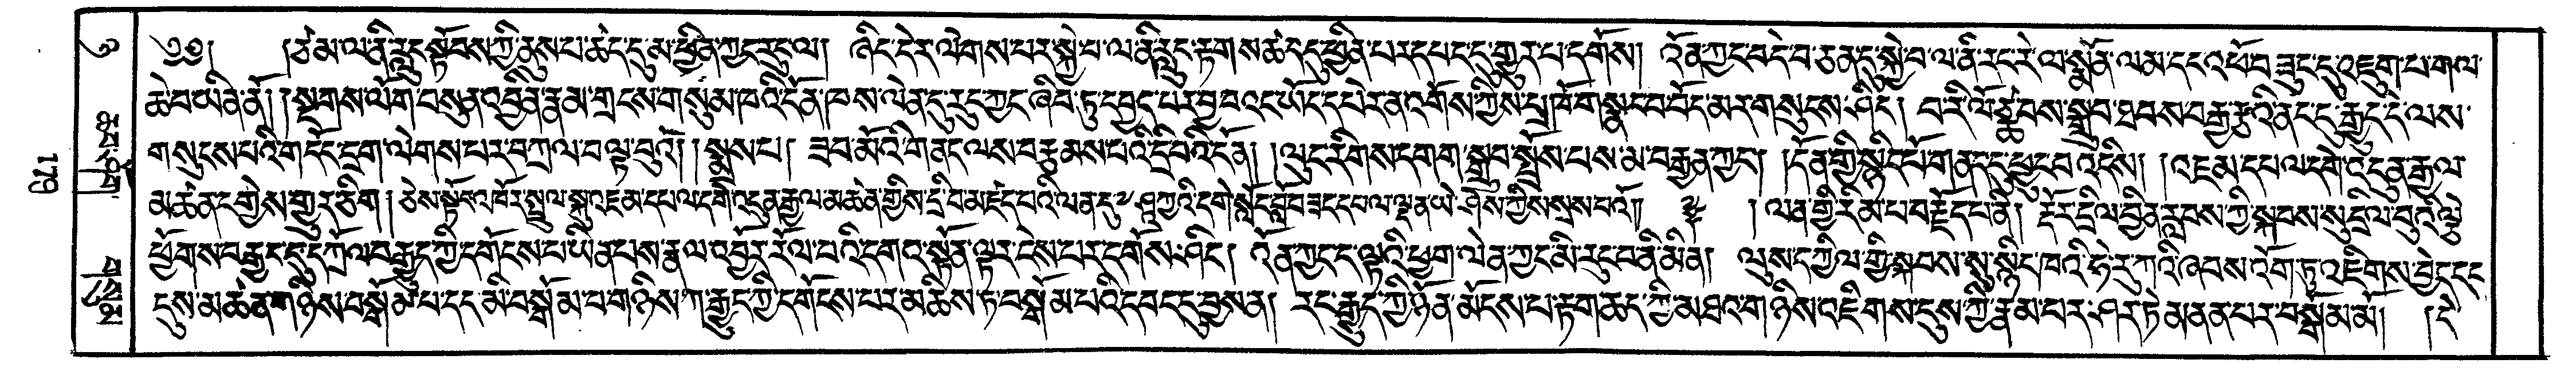༄༅། །ཙམ་ལ་ནི་རླུང་སྟོབས་ཀྱི་ནུས་པ་ཚད་དུ་མ་ཕྱིན་ཀྱང་རུང་ལ། ཞིང་དེར་ལེགས་པར་སྐྱེ་པ་ལ་ནི་རླུང་རྟགས་ཚད་དུ་ཕྱིན་པར་དབང་དུ་གྱུར་པ་དགོས། འོན་ཀྱང་བདེ་བ་ཅན་དུ་སྐྱེ་བ་ལ་ནི་རང་རེ་ལ་སྨོན་ལམ་དང་འཕོ་བ་ཟུང་དུ་འཇུག་པ་གལ་
ཆེ་བ་ཡིན་ནོ། །སྔགས་ལོག་བསུན་འབྱིན་རྣམ་གྲངས་གསུམ་།བའི་དོན་ཁས་ལེན་དུ་རུང་ཀྱང་ཞིབ་ཏུ་དཔྱད་པར་བྱ་བའང་ཡོད་དཔེར་ན་འགོས་ཀྱིས་པྲ་ཁོག་སྣང་བ་བོད་མར་གསུངས་ཤིང་། བ་རི་ལོཙྪ་བས་སྒྲུབ་ཐབས་བརྒྱ་རྩའི་ནང་དུ་རྒྱུད་དེ་ལས་
གསུངས་པའི་གདོང་དྲུག་ལེགས་པར་བཀྲལ་བ་ལྟ་བུའོ། །སྨྲས་པ། ཟབ་མོའི་གནད་ལས་བརྩམས་པའི་དྲི་བའི་དོན། །ལུང་རིགས་དགག་སྒྲུབ་སྤྲོས་པས་མ་བརྒྱན་ཀྱང་། །དོན་གྱི་སྙིང་པོ་གནད་དུ་ཕྱུང་བ་འདིས། །འཇམ་དཔལ་དགེ་འདུན་རྒྱལ་
མཚན་དགྱེས་གྱུར་ཅིག །ཅེས་སྟོང་འཁོར་སྤྲུ་སྐུ་འཇམ་དཔལ་དགེ་འདུན་རྒྱལ་མཚན་གྱིས་དྲི་བ་མཛད་པའི་ལན་དུ ༧ཤཱཀྱའི་དགེ་སློང་བློ་བཟང་དཔལ་ལྡན་ཡེ་ཤེས་ཀྱིས་སྨྲས་པའོ།། ༈།། ལན་གྱི་རིམ་པ་བརྗོད་པ་ནི། རྡོར་དྲིལ་བྱིན་རླབས་ཀྱི་སྐབས་སུ་དྲིལ་བུའི་ལྕེ་
ཕྱོགས་བརྒྱད་དུ་དཀྲོལ་བ་རྒྱུད་ཀྱི་དགོངས་པ་ཡིན་པས་རྣལ་འབྱོར་རོལ་པའི་དགའ་སྟོན་ལྟར་ངེས་པར་དགོས་ཤིང་། འོན་ཀྱང་ད་ལྟའི་ཕྱག་ལེན་ཀྱང་མི་རུང་བ་ནི་མིན། ལུས་དཀྱིལ་གྱི་སྐབས་སུ་སྙིང་ཁའི་ཧེ་རུ་ཀའི་ཞབས་འོག་ཏུ་འཇིགས་བྱེད་དང་
དུས་མཚན་གཉིས་བསྒོམ་པ་དང་མི་བསྒོམ་པ་གཉིས་ཀ་རྒྱུད་ཀྱི་དགོངས་པར་མཆིས་ཏེ་བསྒོམ་པའི་དབང་དུ་བྱས་ན། རང་རྒྱུད་ཀྱི་ཉོན་མོངས་པ་རྟག་ཆད་ཀྱི་མཐའ་གཉིས་འཇིགས་དུས་ཀྱི་རྣམ་པར་ཤར་ཏེ་མནན་པར་བསྒོམ་མོ། །དེ་